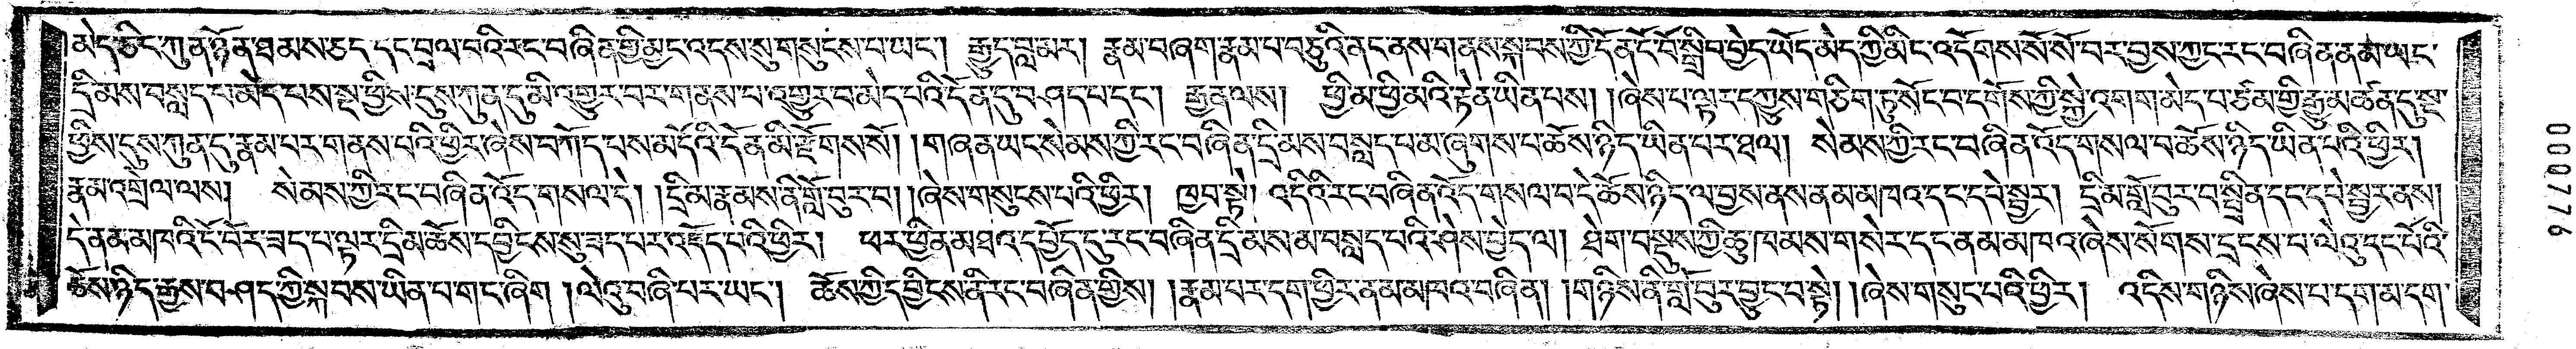མེད་ཅིང་ཀུན་ཉོན་ཐམས་ཅད་དང་བྲལ་བའི་རང་བཞིན་གྱི་མྱང་འདས་སུ་གསུངས་པ་ཡང་། རྒྱུད་བླ་མར། རྣམ་བཞག་རྣམ་པ་བཅུའི་ནང་ནས་གནས་སྐབས་ཀྱི་དོན་ངོ་བོ་སྒྲིབ་བྱེད་ཡོད་མེད་ཀྱི་མིང་འདོགས་སོ་སོ་བར་བྱས་ཀྱང་རང་བཞིན་ནམ་ཡང་
དྲི་མས་བསླད་པ་མེད་པས་སྔ་ཕྱིས་དུས་ཀུན་དུ་མི་འགྱུར་བར་གནས་པ་འགྱུར་བ་མེད་པའི་དོན་དུ་བཤད་པ་དང་། རྒྱན་ལས། ཕྱི་མ་ཕྱི་མའི་རྟེན་ཡིན་པས། །ཞེས་པ་ལྟར་དཀྱུས་གཅིག་ཏུ་སོང་བ་དགོས་ཀྱི་སྐྱེ་འགག་མེད་པ་ཙམ་གྱི་རྒྱུ་མཚན་དུ་སྔ་
ཕྱིས་དུས་ཀུན་དུ་རྣམ་པར་གནས་པའི་ཕྱིར་ཞེས་བཀོད་པས་མདོའི་དོན་མི་རྫོགས་སོ། །གཞན་ཡང་སེམས་ཀྱི་རང་བཞིན་དྲི་མས་བསླད་པ་མ་ཞུགས་པ་ཆོས་ཉིད་ཡིན་པར་ཐལ། སེམས་ཀྱི་རང་བཞིན་འོད་གསལ་བ་ཆོས་ཉིད་ཡིན་པའི་ཕྱིར།
རྣམ་འགྲེལ་ལས། སེམས་ཀྱི་རང་བཞིན་འོད་གསལ་དེ། དྲི་མ་རྣམས་ནི་གློ་བུར་བ། །ཞེས་གསུངས་པའི་ཕྱིར། ཁྱབ་སྟེ། འདིའི་རང་བཞིན་འོད་གསལ་བ་དེ་ཆོས་ཉིད་ལ་བྱས་ནས་ནམ་མཁའ་དང་དཔེ་སྦྱར། དྲི་མ་གློ་བུར་བ་སྤྲིན་དང་དཔེ་སྦྱར་ནས།
དེ་ནམ་མཁའི་ངོ་བོར་ཟད་པ་ལྟར་དྲི་མ་ཆོས་དབྱིངས་སུ་ཐད་པར་འདོད་པའི་ཕྱིར། ཕར་ཕྱིན་མཐའ་དཔྱོད་དུ་རང་བཞིན་དྲི་མས་མ་བསླད་པའི་ཤེས་བྱེད་ལ། ཐེག་བསྡུས་ཀྱི་ཆུ་ཁམས་གསེར་དང་ནམ་མཁའ་ཞེས་སོགས་དྲངས་པ་ལེའུ་དང་པོའི་
ཆོས་ཉིད་རྒྱས་བཤད་ཀྱི་སྐངས་ཡིན་པ་གང་ཞིག །ལེའུ་བཞི་པར་ཡང་། ཆོས་ཀྱི་དབྱིངས་ནི་རང་བཞིན་གྱིས། །རྣམ་པར་དག་ཕྱིར་ནམ་མཁའ་བཞིན། །གཉིས་ནི་གློ་བུར་བྱུང་བ་སྟེ། །ཞེས་གསུང་བའི་ཕྱིར། འདིས་གཉིས་ཞེས་པ་དག་མ་དག་